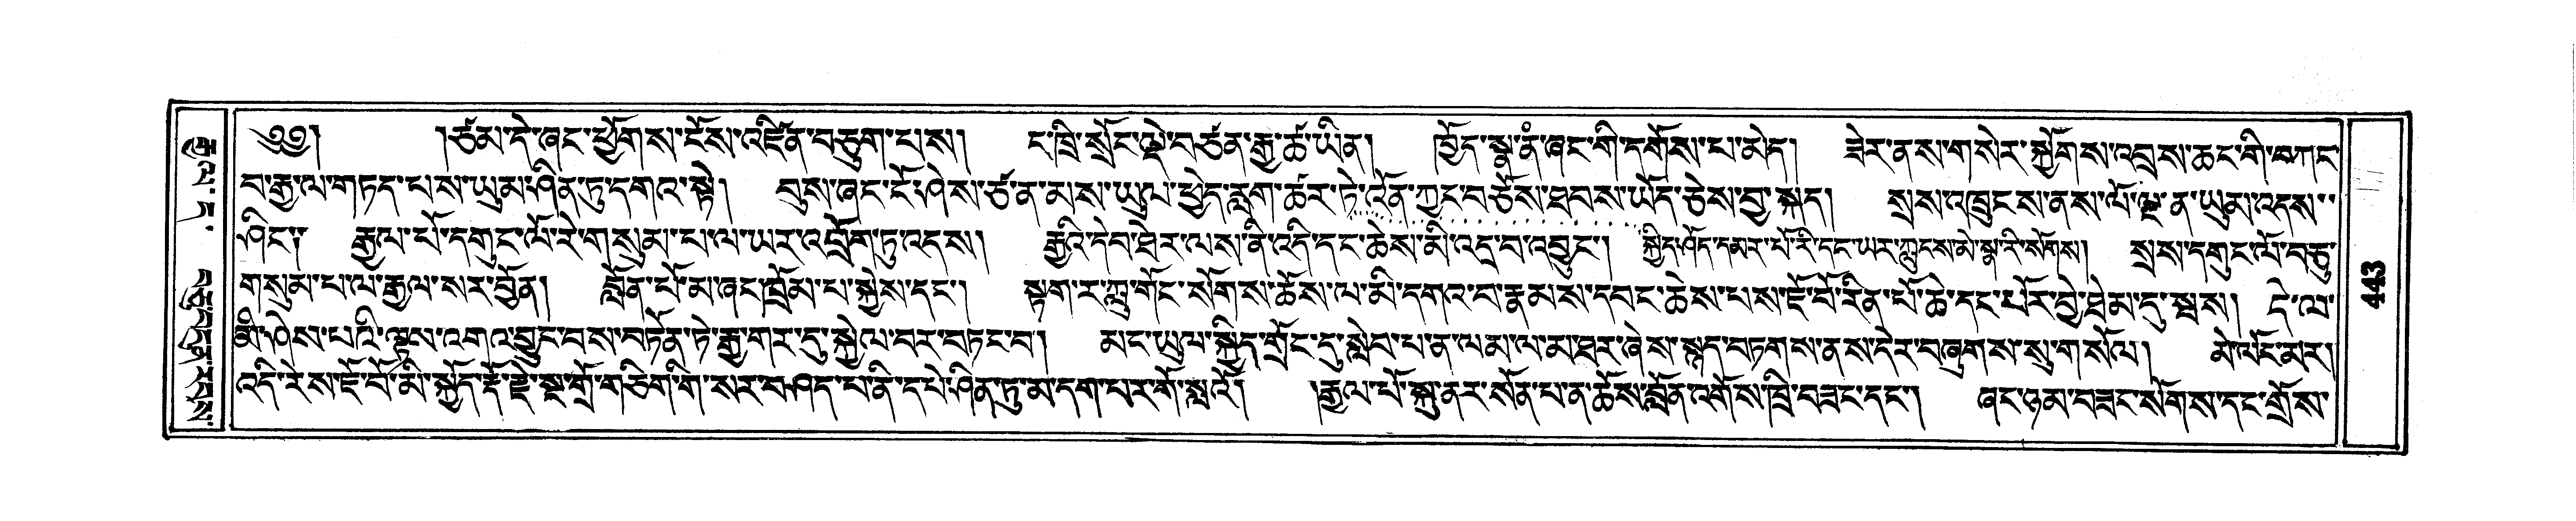༄༅། །ཙམ་དེ་ཞང་ཕྱོགས་ངོས་འཛིན་བཅུག་པས། ང་ཁྲི་སྲོང་ལྡེ་བཙན་རྒྱ་ཚ་ཡིན། ཁྱོད་སྣ་ནཾ་ཞང་གི་དགོས་པ་མེད། ཟེར་ནས་གསེར་སྐྱོགས་འབྲས་ཆང་གི་བཀང་
བ་རྒྱ་ལ་གཏད་པས་ཡུམ་ཤིན་ཏུ་དགའ་སྟེ། བུས་ཞང་ངོ་ཤེས་ཙ་ན་མས་ཡུལ་ཕྱེད་རླག་ཚར་ཏེ་འོན་ཀྱང་བཅོས་ཐབས་ཡོད་ཅེས་བྱ་སྐད། སྲས་འཁྲུངས་ནས་ལོ་ལྔ་ན་ཡུམ་འདས་
ཤིང༑ རྒྱལ་པོ་དགུང་ལོ་རེ་གསུམ་པ་ལ་ཡར་འབྲོག་ཏུ་འདས། རྒྱའི་དེབ་ཐེར་ལས་ནི་འདི་དང་ཆེས་མི་འདྲ་བ་འབྱུང་། སྐྱིད་ཤོད་དམར་པོ་རི་དང་ཡར་ཀླུངས་མེ་སྣ་རི་སོགས། སྲས་དགུང་ལོ་བཅུ་གསུམ་པ་ལ་རྒྱལ་སར་བྱོན། བློན་པོ་མ་ཞང་ཁྲོམ་པ་སྐྱེས་དང་། སྟག་ར་ཀླུ་གོང་སོགས་ཆོས་ལ་མི་དགའ་བ་རྣམས་དབང་ཆེས་པས་ཇོ་བོ་རིན་པོ་ཆེ་དང་པོར་བྱེ་ཐེམ་དུ་སྦས། དེ་ལ་
མི་ཤེས་པའི་ལྟས་འགའ་བྱུང་བས་བཏོན་ཏེ་རྒྱ་གར་དུ་སྐྱེལ་བར་བཏང་བ། མང་ཡུལ་སྐྱིད་གྲོང་དུ་སླེབ་པ་ན་ལམ་ལ་མ་མཐར་ཞེས་སྙད་བཏགས་ནས་དེར་བཞུགས་སུ་གསོལ། མེ་ལོང་མར་
འདི་རེས་ཇོ་བོ་མི་སྐྱོད་རྡོ་རྗེ་སྔ་གྲོ་གཅིག་གི་སར་བཤད་པ་ནི་དཔེ་ཤིན་ཏུ་མ་དག་པར་གོ་སླའོ། །རྒྱལ་པོ་སྐུ་ནར་སོན་པ་ན་ཆོས་བློན་འགོས་ཁྲི་བཟང་དང་། ཞང་ཉམ་བཟང་སོགས་དང་གྲོས་